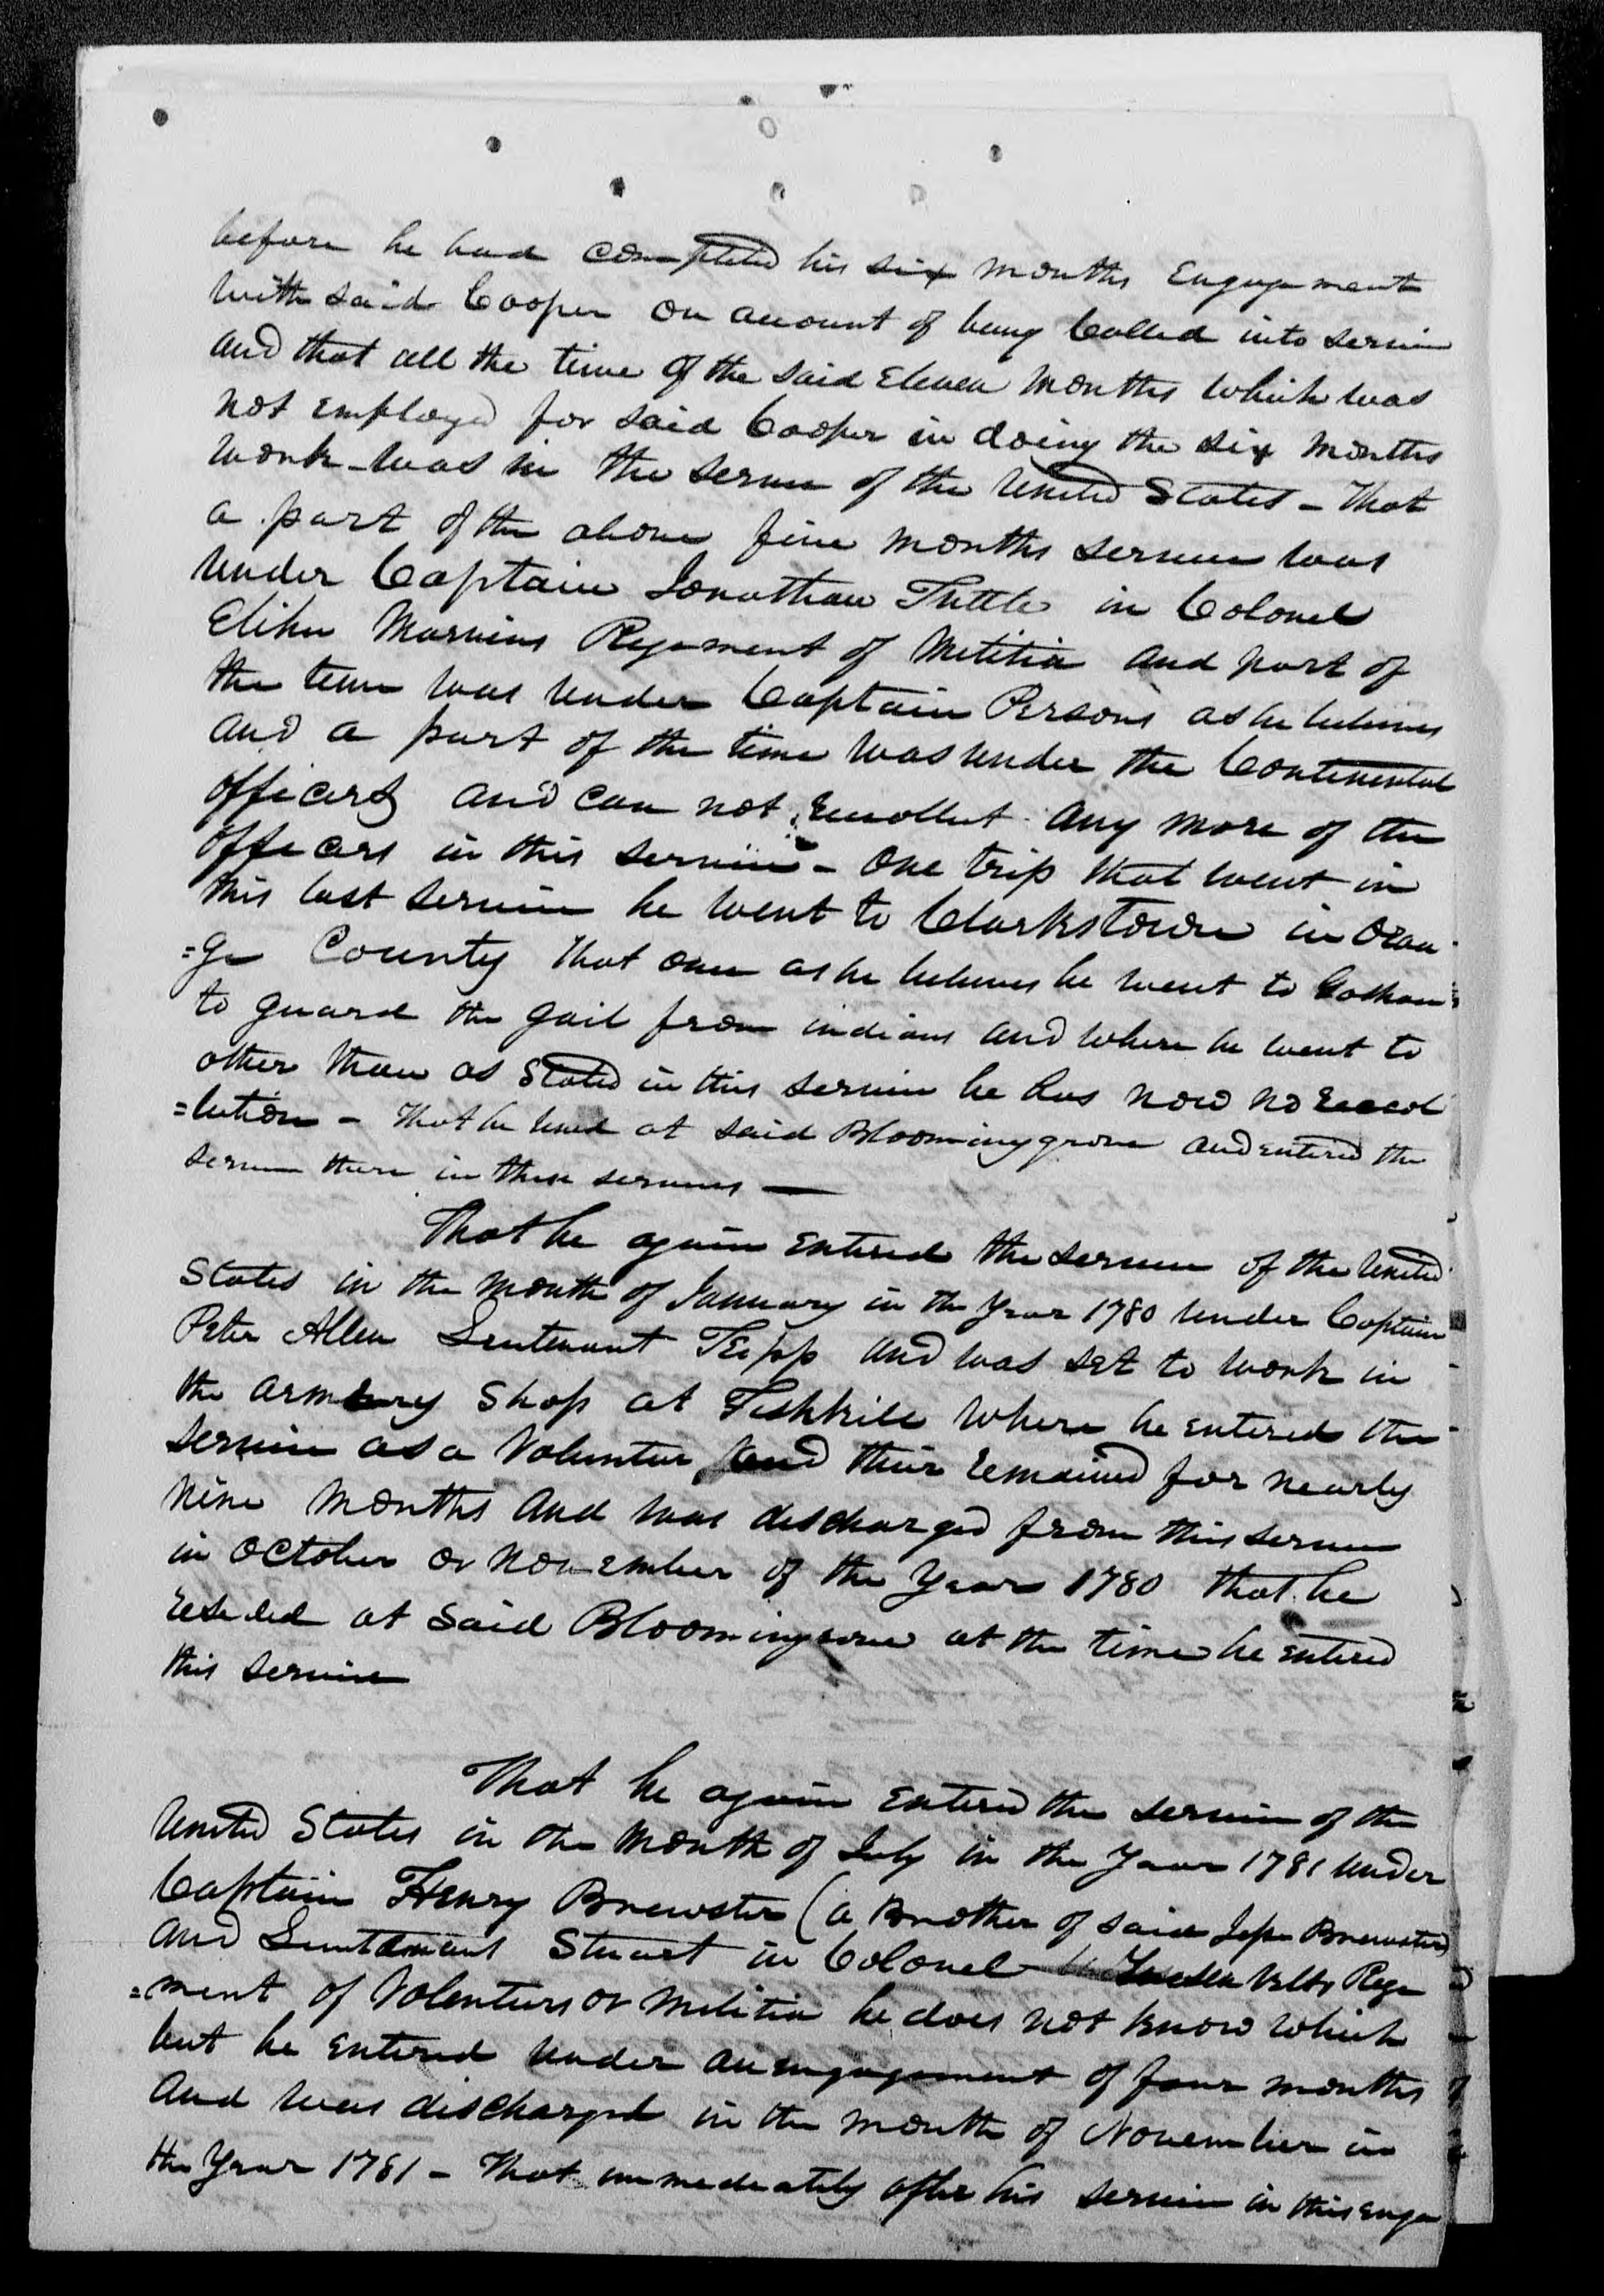before he had completed his six months engagement with said Cooper on account of being called into service and that all the time of the said eleven months which was not employed for said Cooper in doing the six months work. was in the service of the United States. That a part of the above five months service was under Captain Jonathan Tuttle in Colonel Eliku Marvins Regiment of militia and part of the time was under Captain Persons as he believes and a part of the time was under the Continental officers and cannot reccollect any more of the officers in this service. one trip that went in this last service he went to Clarkstown in Orange county that once as he believes he went to Goshen to guard the Jail from indians and where he went to other than as stated in this service he has now no reccollection. That he lived at said Blooming grove and entered the service there in these services.
That he again entered the service of the United States in the month of January in the year 1780 under Captain Peter Allen Leutenant Tepp and was set to work in the armory shop at Fishkill where he entered the service as a volunteer and there remained for nearly nine months and was discharged from this service in October or November of the year 1780 that he resided at said Blooming grove at the time he entered this service
That he again entered the service of the United States in the month of July in the year 1781 under Captain Henry Brewster ( a brother of said Jesse Brewster) and Lieutenant Stewart in Colonel Gesenvelt's regiment of volunteers or militia he does not know which nut he entered under an engagement of four months and was discharged in the month of November in the year 1781. That immediately after his service in this enga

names: Jesse Brewster, Cooper, Cooper, Jonathan Futtle, Peter Allen, Henry Brewster, Persons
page: 22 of 26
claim: survivor's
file: S. 12,291, Jesse Brewster, New York